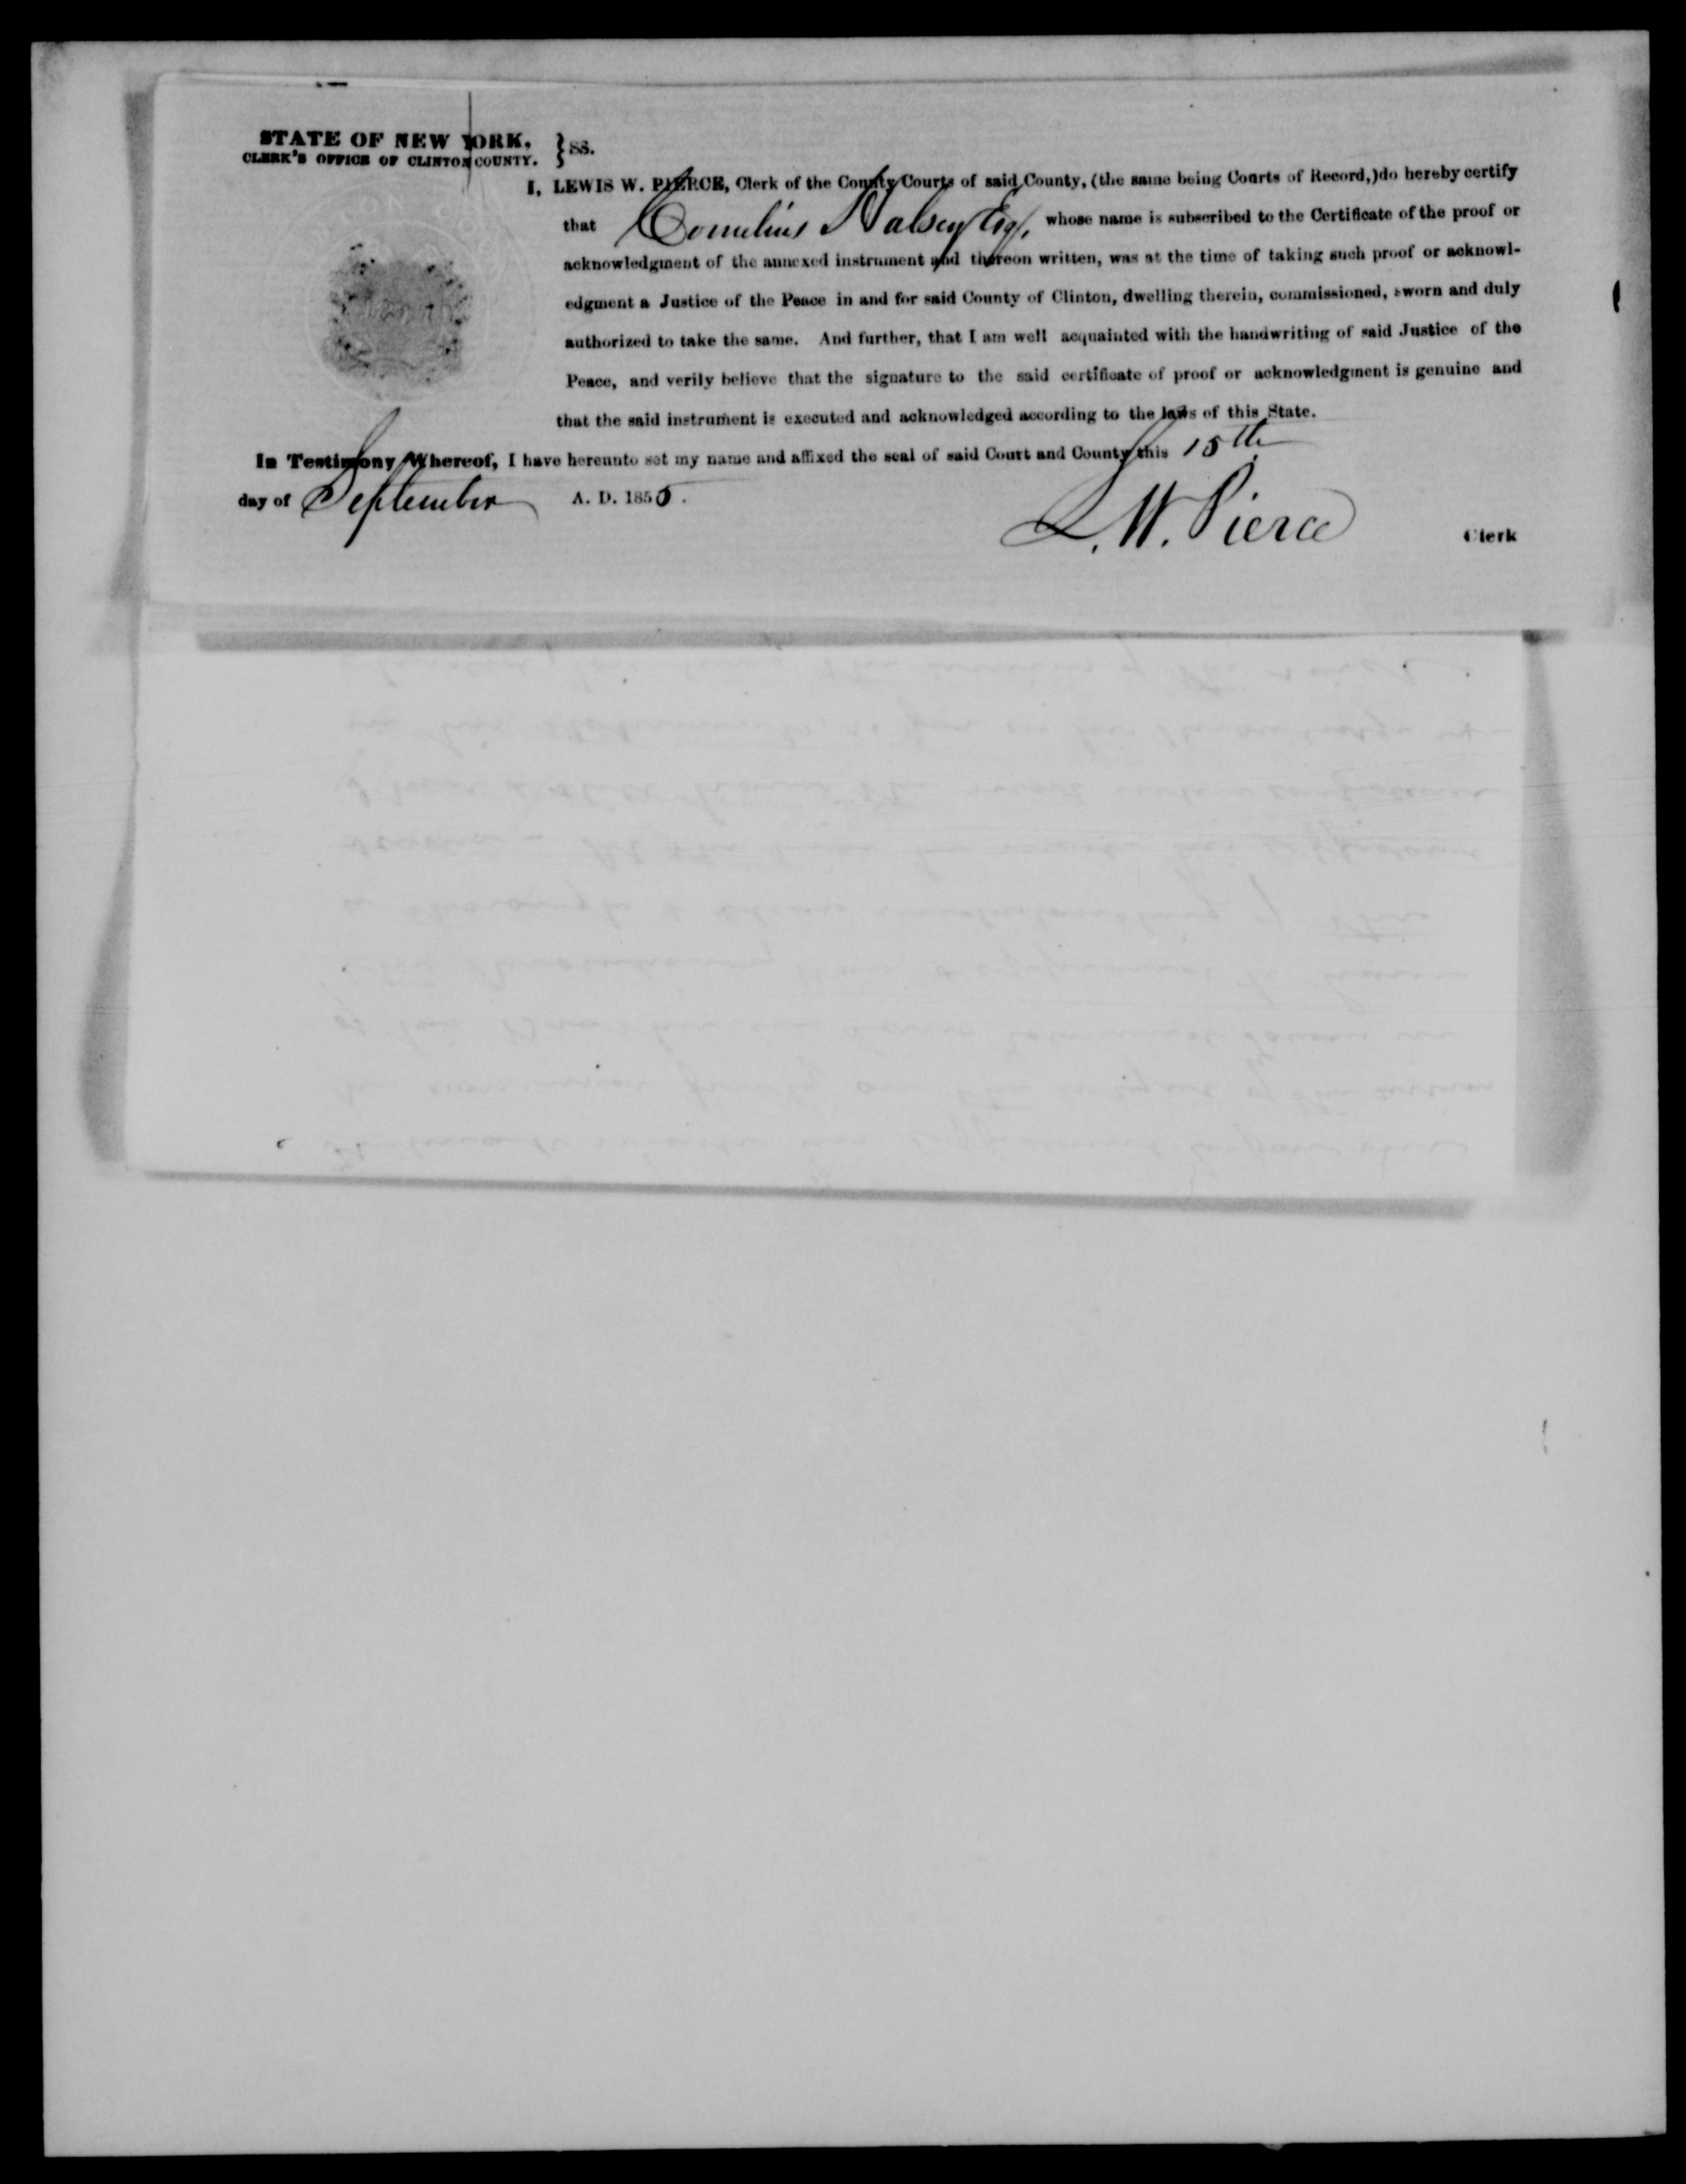State of New York
Clerk's Office of Clinton County SS.

I Lewis W. Pierce, Clerk of the County Courts of said County, (the same being Courts of Record,) do hereby certify that Cornelius Halsey Esq., whose name is subscribed to the Certificate of the proof or acknowledgement of the annexed instrument and thereon written, was at the time of taking such proof or acknowledgement a Justice of the Peace in and for said county of Clinton, dwelling therein, commissioned, sworn and duly authorized to take the same. And further, that I am well acquainted with the handwriting of said Justice of the Peace, and verily believe that the signature to the said certificate of proof or acknowledgement is genuine and that the said intrument is executed and acknowledged according to the laws of this State.
(Seal)
In Testimony Whereof, I have  hereunto set my name and affixed the seal of said Court and County this 15th day of September A. D. 1855.
L. W. Pierce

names: L W Pierce, Cornelius Halsey, Lewis W Pierce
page: 50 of 64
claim: widow's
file: W. 5831, Edmund Town, Mass.